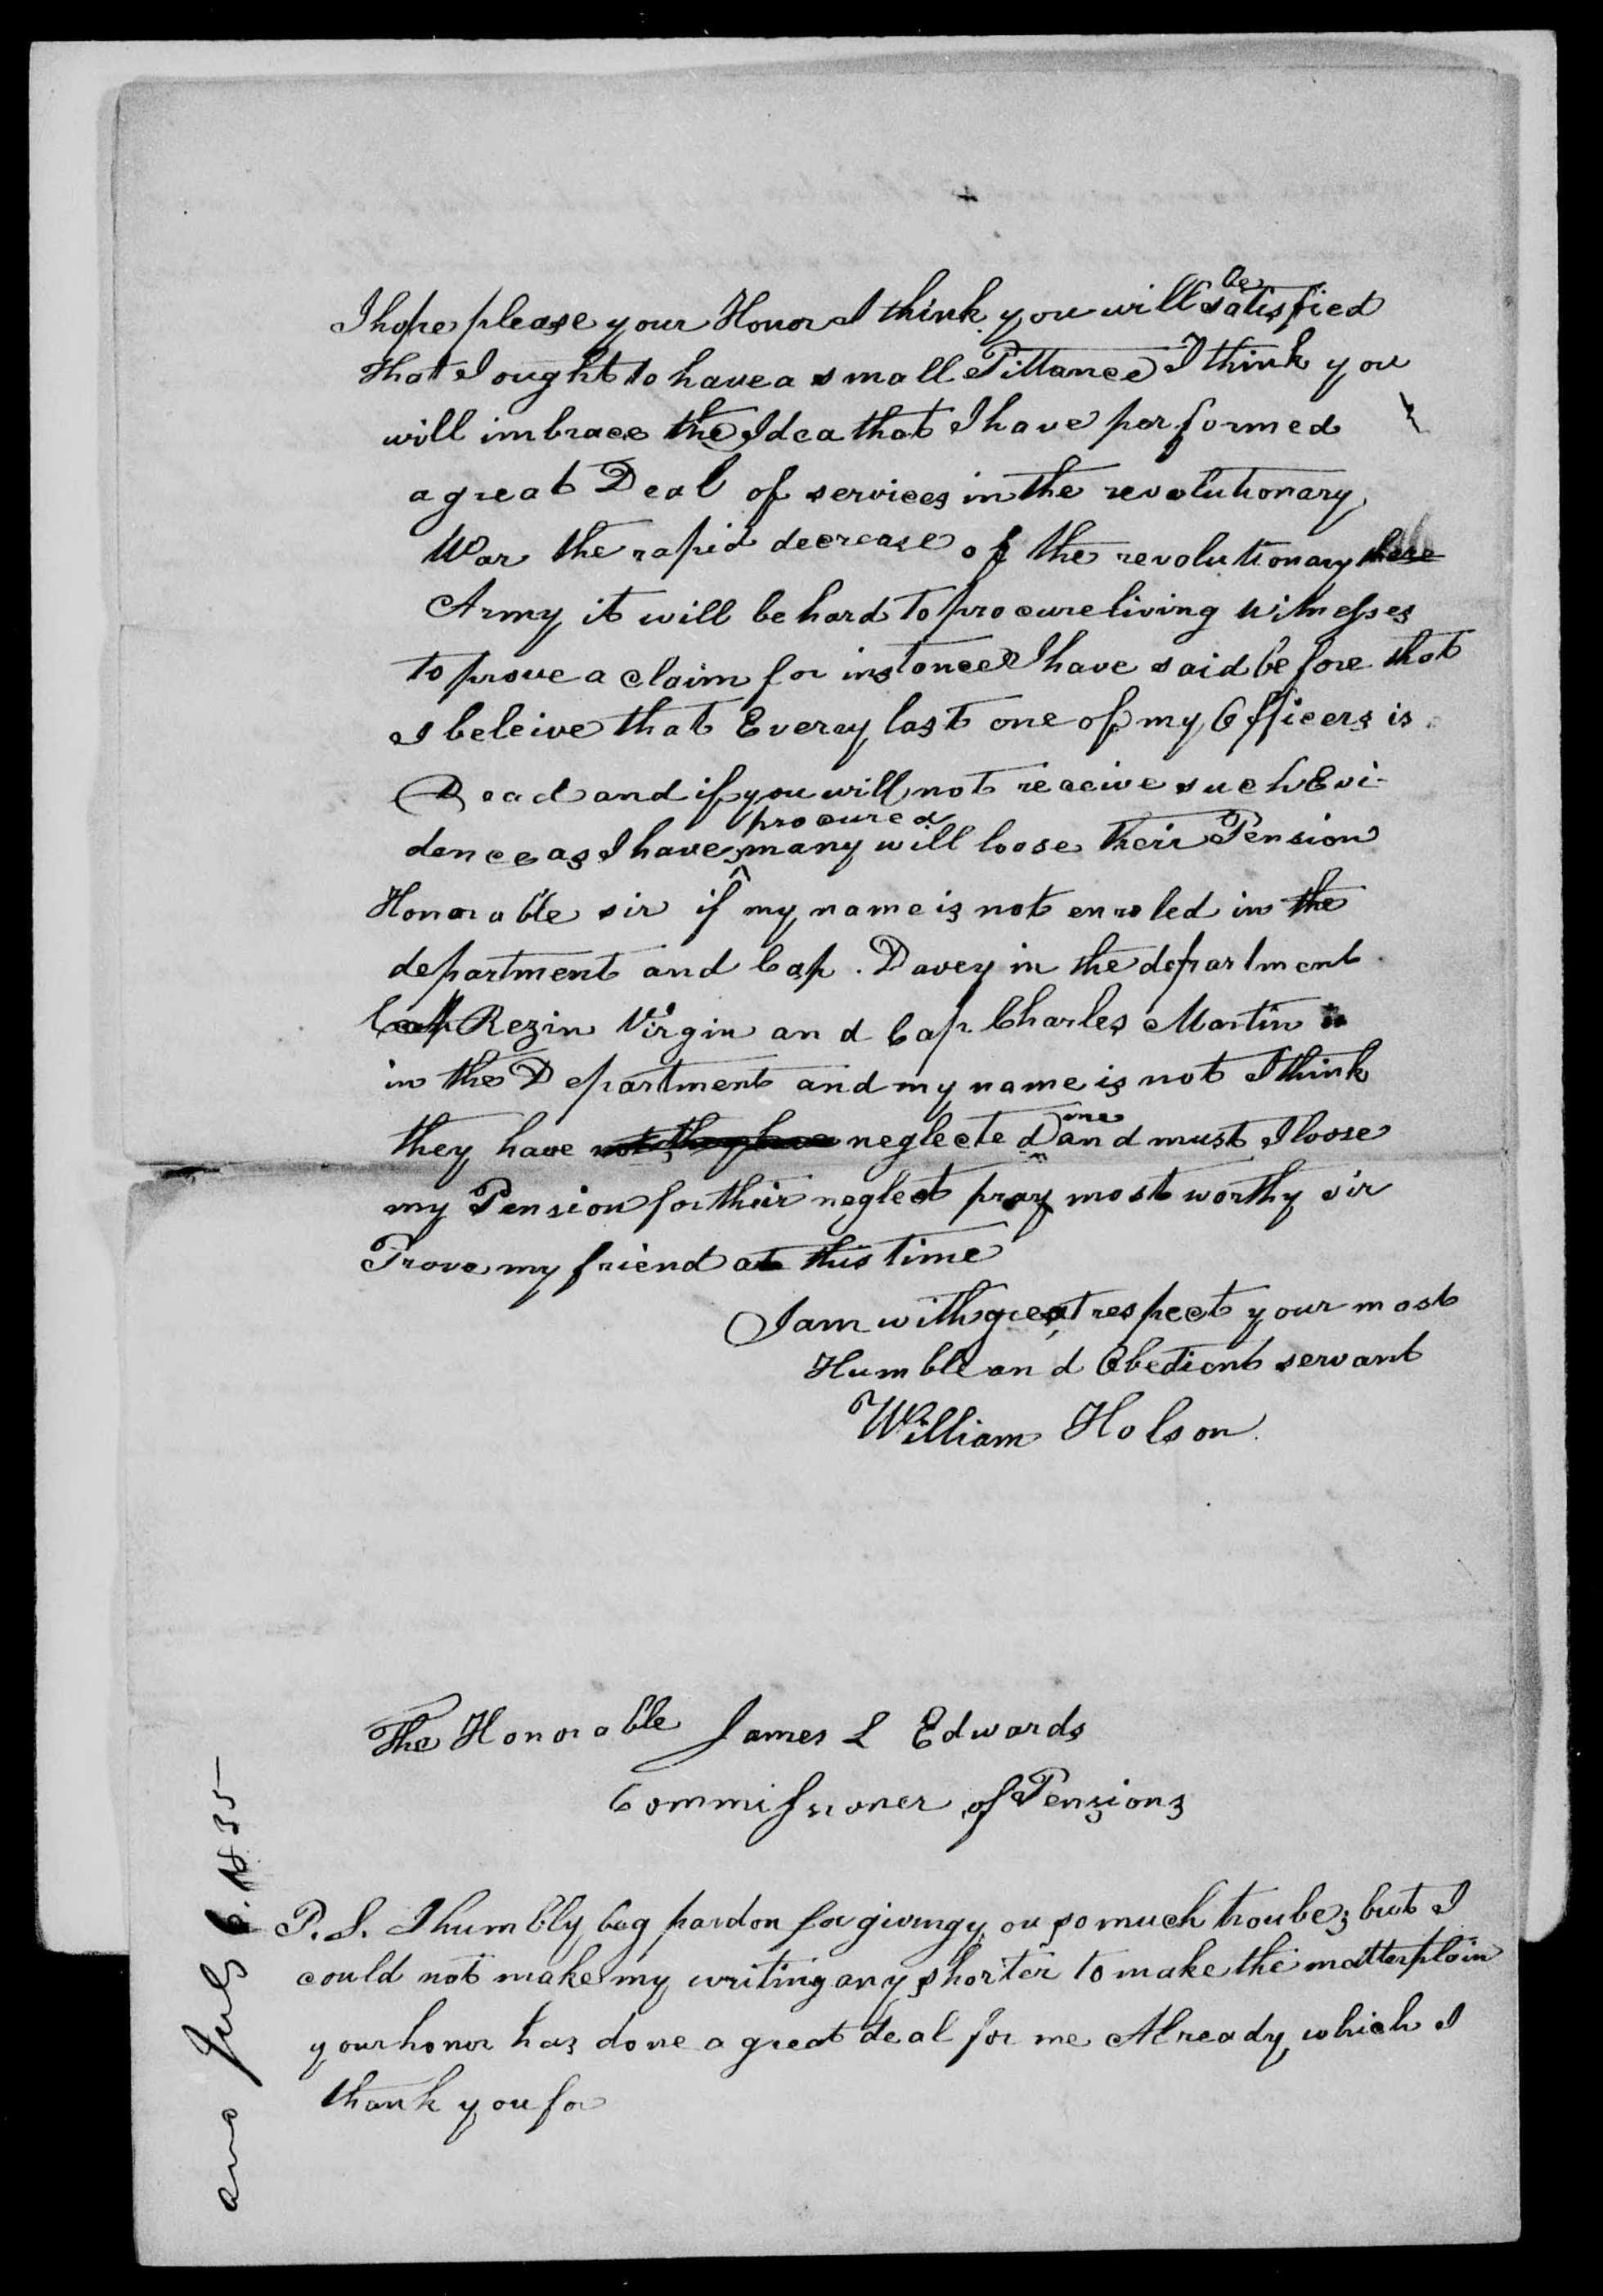I hope please your Honor I think you will be satisfied that I ought to have a small Pittance I think you will imbrace the Idea that I have performed a great Deal of services in the revolutionary War the rapid decrease of the revolutionary Army it will be hard to procure living witnesses to prove a claim for instance I have said before that I believe that Every last one of my Officers id Dead and if you will not receive such evidence I have procured many will loose their Pension Honorable Sir if my name is not enroled in the department and Cap. Davey in the department Capt Rezin Virgin and Cap. Charles Martin in the Department and my name is not I think they have neglected me and must I loose my Pension for their neglect pray most worthy sir Prove my friend at this time
I am with greatest respect your most
Humble and Obedient servant
William Holson

The Honorable James L Edwards
Commissioner of Pensions
P.S. I humbly beg pardon for giving you so much trouble, but I could not make my writing any shorter to make the matter plain your honor has done a great deal for me Already which I thank you for
ans July 6. 1835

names: James L Edwards, Rezin Virgin, Charles Martin, Davey, William Holson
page: 33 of 33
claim: survivor's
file: S. 9587, William Holson, Va.